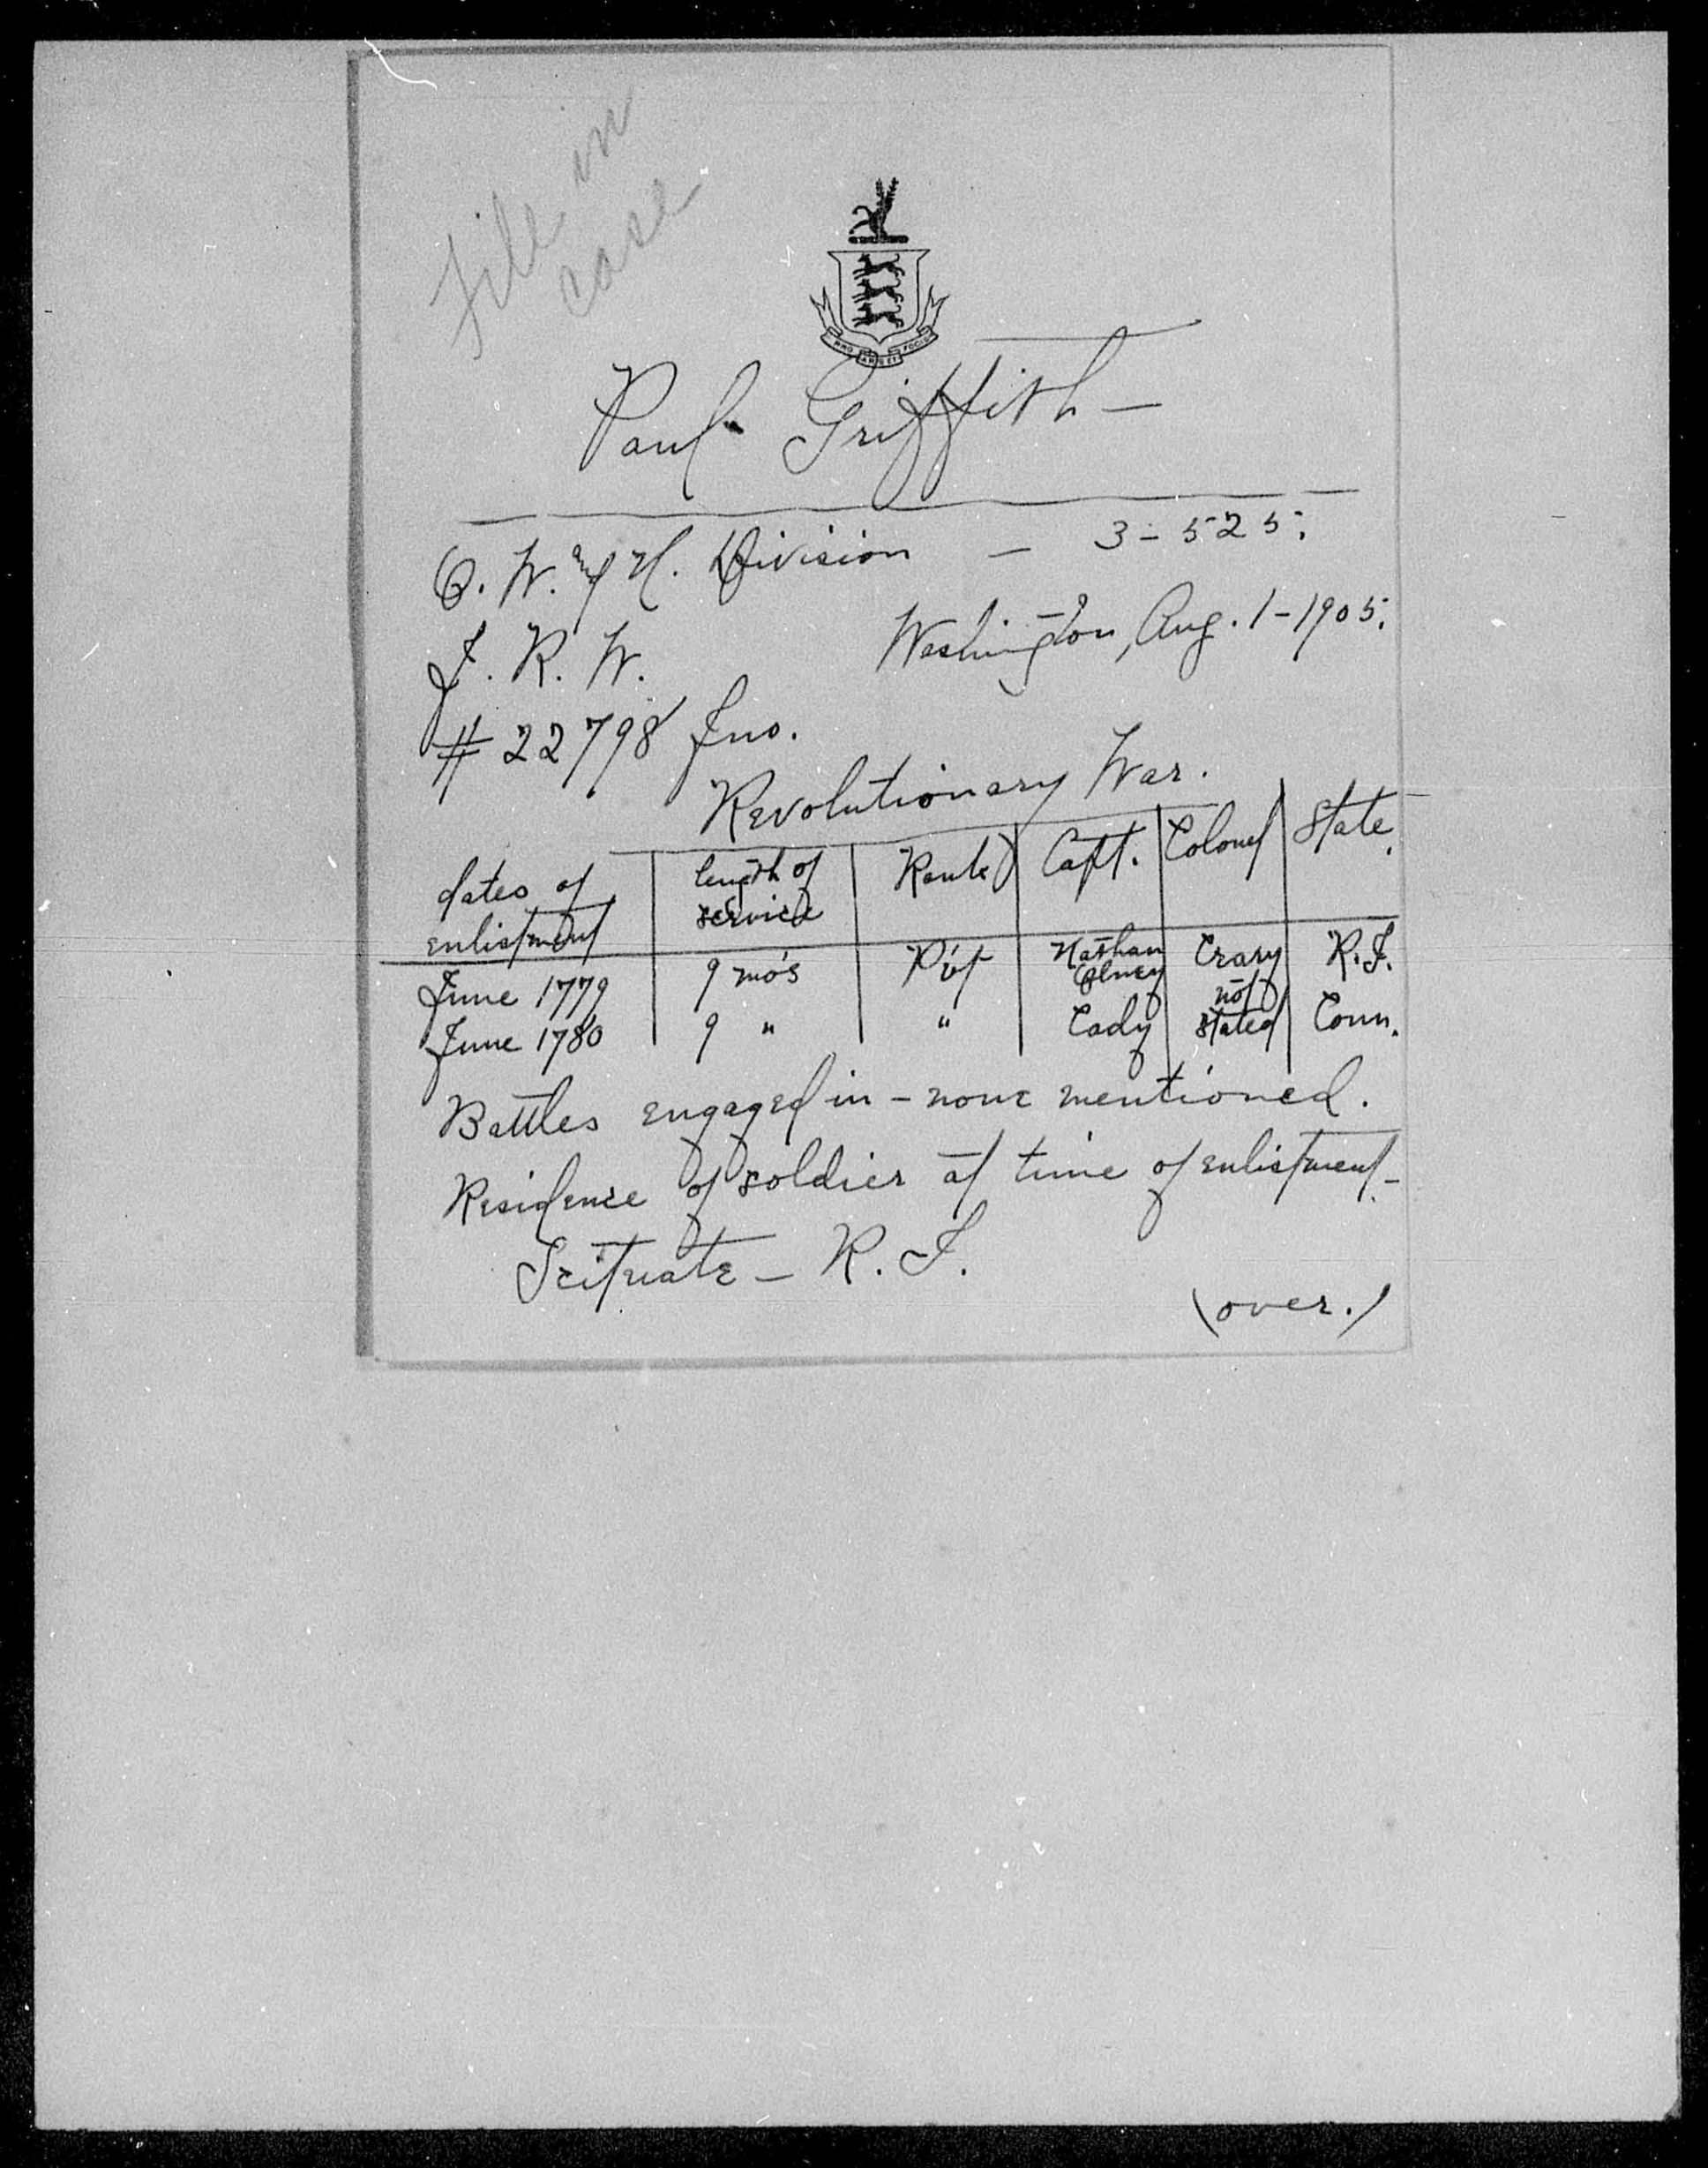File on case Paul Griffith O.W. and L Division - 3-525; J.R.W. #22798 Jno. Revolutionary War 
dates of enlistment June 1779, June 1780. length of service 9 mos, 9". Rank Prit, ". Capt. Nathan Olney, Cady. Colonel Crary, not stated. State R.I., Conn. Battles engaged in - none mentioned. Residence of soldier at time of enlistment - Scituate R.I. (over)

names: Paul Griffith, Cady, Nathan Olney, Crary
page: 37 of 61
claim: survivor's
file: S. 22798, Paul Griffiths, R.I.